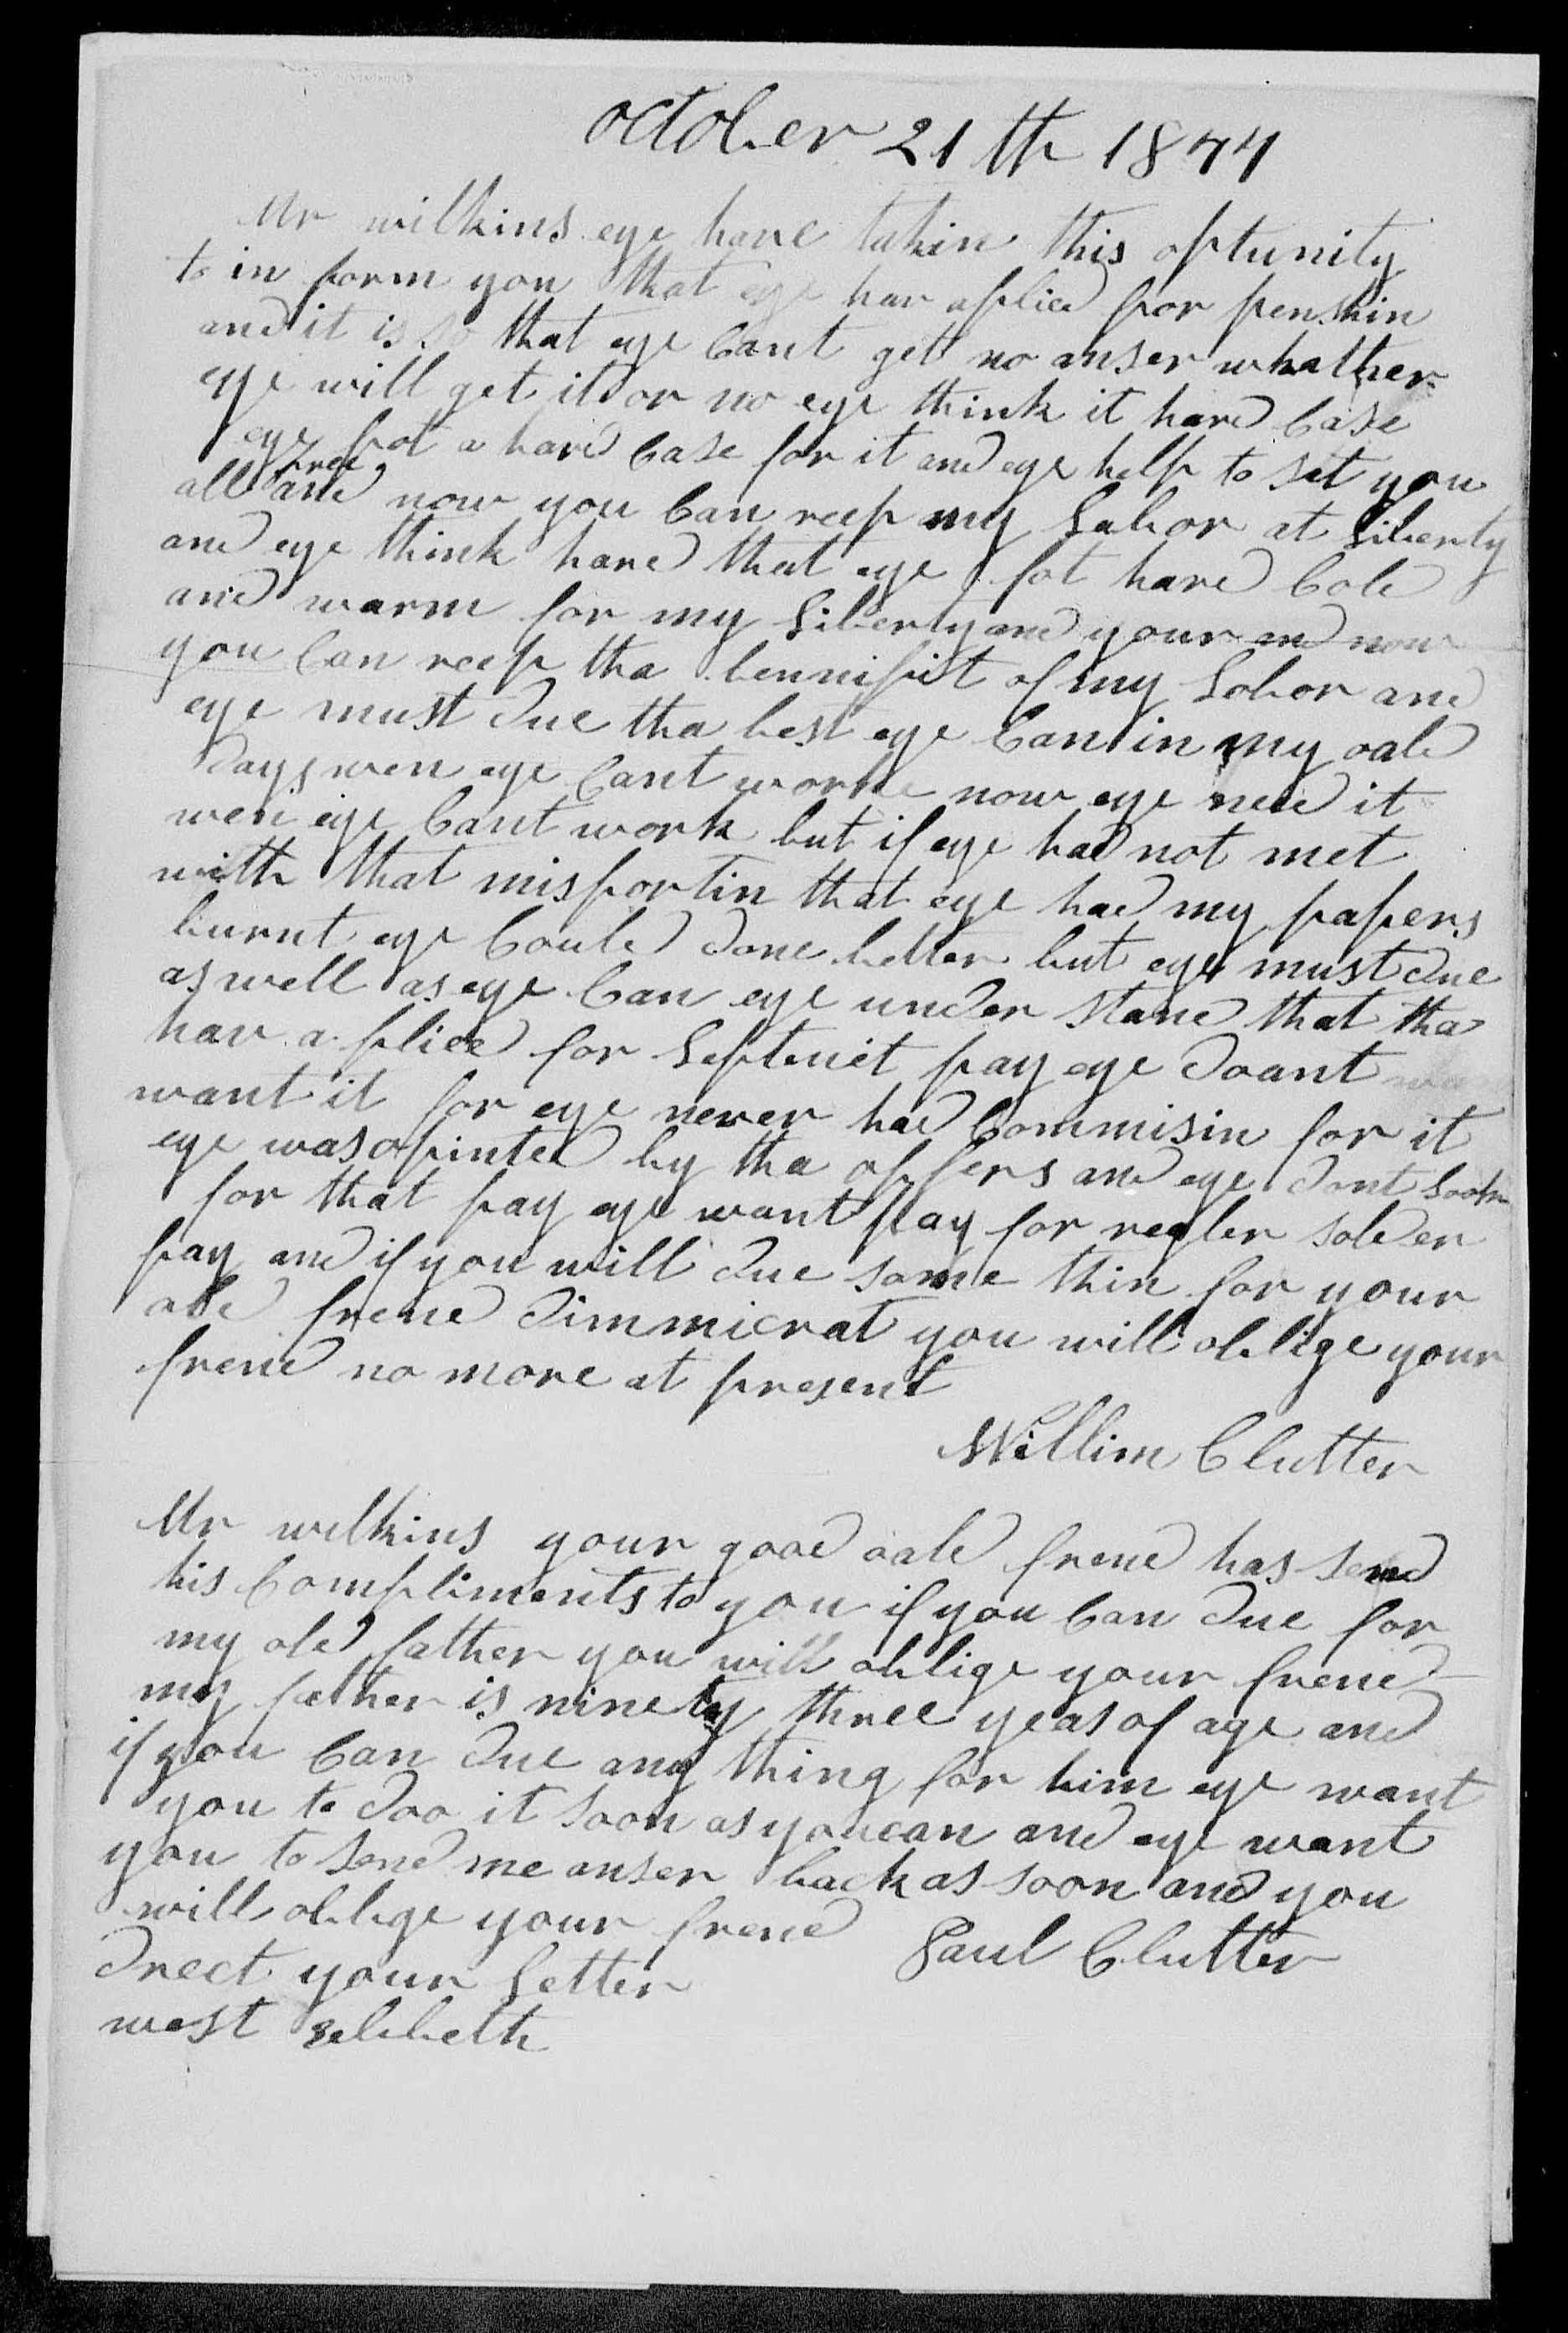October 21th 1844
Mr Wilkins eye have taken this optunity to in form you that you that eye have applied for pension and it is so that eye cant get no anser whether eye will get it or no. eye think it have case eye fot a have case for it and eye help to set you all once and now you can reep my labor at liberty and eye think have that eye fot have cole and warm for my liberty and your and now eye must due the best eye can in my old days wen eye can't work.  now eye need it wen eye cant work but if eye had not met with that misfortin that eye had my papers burnt, eye could done better, but eye must due as well as I can.  eye understand that have a place for leutenet pay. eye dont want it for eye never had commisin for it.  Eye was afrinted by the offers and eye dont look for that pay.  Eye want pay for regular solder pay and if you will due same thin for your ole friend dimmicrat you will oblige your friend no more at present.
William Clutter

Mr. Wilkins your good ole friend has send his compliments to you if you can due for my ole father you will oblige your friend.  My father is ninety three years of age and if you can due any thing for him eye want you to do it soon as you can and eye want you to send me anser back as soon and you will oblige your friend.  
Paul Clutter

Direct your letter
West Elizabeth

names: Wilkins, Willim Clutter, Wilkins, Paul Clutter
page: 22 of 35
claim: rejected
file: R. 2066, William Clutter, New Jersey